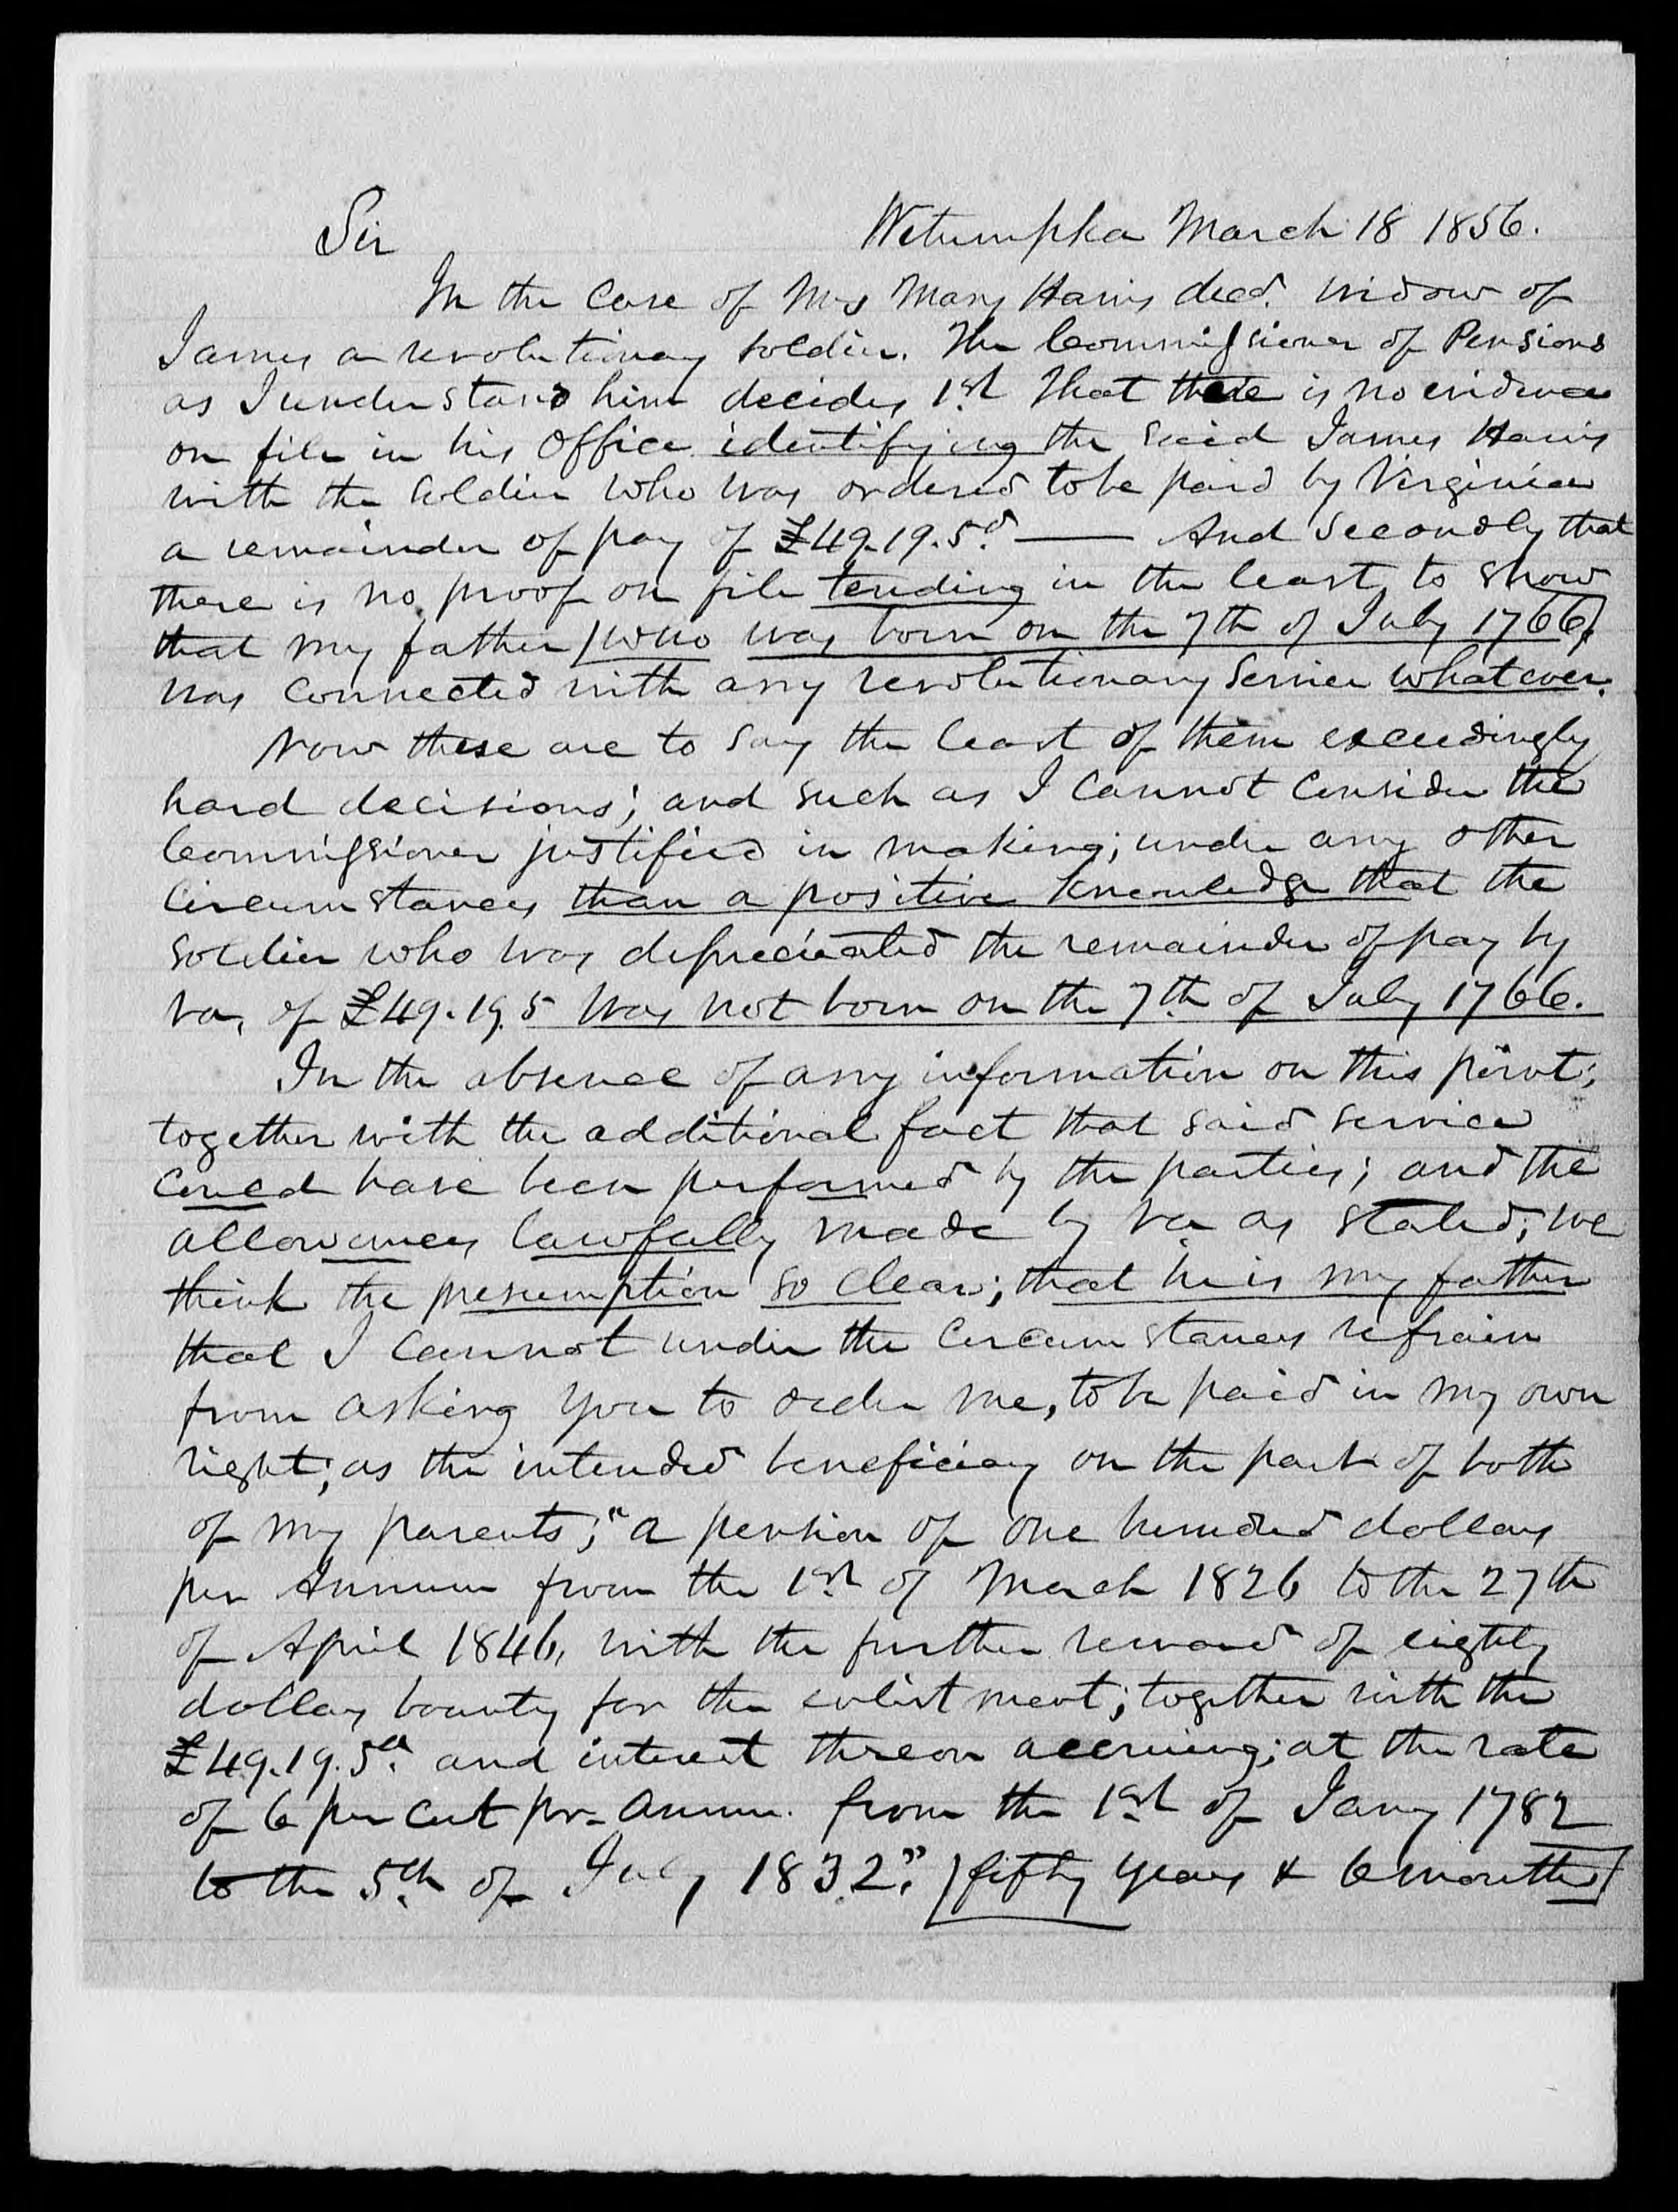Wetumpka March 18 1856
Sir
In the case of Mrs Mary Harris decd, widow of James a revolutionary soldier, The Commissioner of Pensions as I understand him decides 1st that there is no evidence on file in his office identifying the said James Harris with the soldier who was ordered to be paid by Virginia a remainder of pay of [pound sterling]49.19.5d---And secondly that there is no proof on file tending in the least to show that my father (who was born on the 7th of July 1766) was connected with any revolutionary service whatever.
Now these are to say the least of them exceedingly hard decisions; and such as I cannot consider the Commissioner justified in making; under any other circumstances than a positive knowledge that the soldier who was depreciated the remainder of pay by Va of [pound sterling]49.19.5 was not born on the 7th of July 1766.
In the absence of any information on this point, together with the additional fact that said service could have been performed by the parties; and the allowances lawfully made by Va as stated, we think the presumption so clear; that he is my father that I cannot under the circumstances refrain from asking you to order me, to be paid in my own right, as the intended beneficiary on the part of both of my parents, "a pension of one hundred dollars per annum from the 1st of March 1826 to the 27th of April 1846, with the further reward of eighty dollars bounty for the enlistment; together with the [pound sterling]49.19.5d and interest thereon accruing; at the rate of 6 per cent per annum from the 1st of Jany 1782 to the 5th of July 1832." (fifty years & 6 months)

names: James Harris, James Harris, Mary Harris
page: 56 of 160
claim: rejected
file: R. 4666, James Harris, Va.